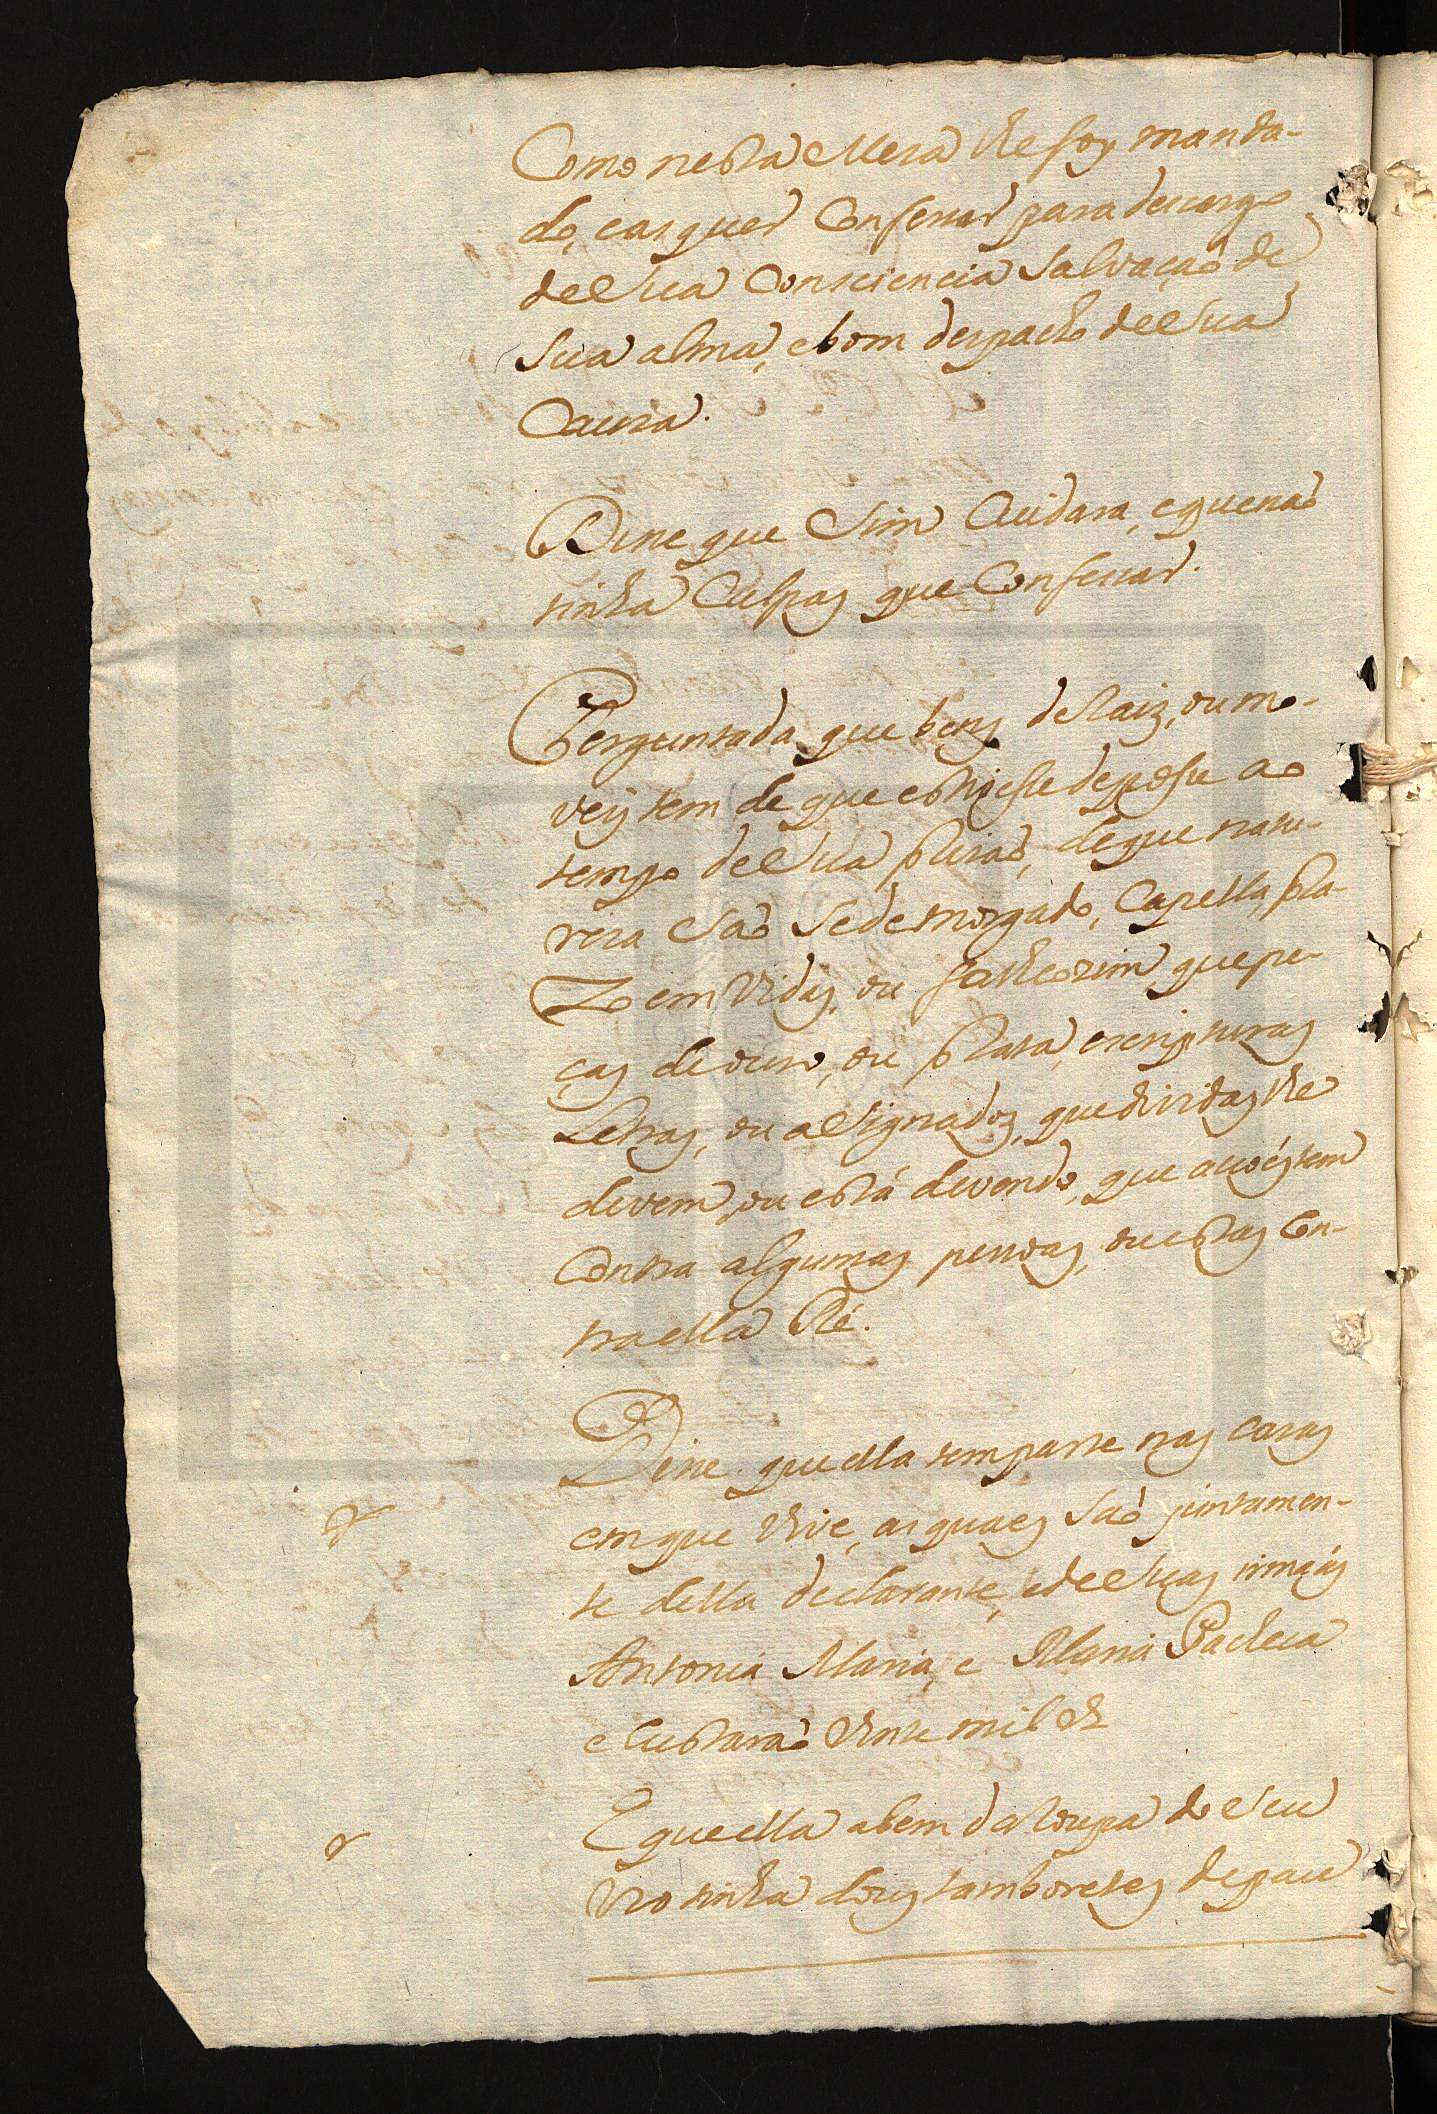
Como nesta Meza lhe foy manda
do, e as quer confessar para descargo
de sua consciencia salvaçaõ de
sua alma, e bom despacho de sua
cauza.
Disse que sim cuidara, e que naõ
tinha culpas que confessar.
Perguntada que bens de Raiz, ou mo
veis tem de que estivesse de posse ao
tempo de sua prizaõ, de que natu
reza saõ se de morgado, capella, pra
Zo em vidas, ou fatheozim, que pe
ças de ouro, ou prata, escripturas
Letras, ou asignadoz, que dividas lhe
devem, ou está devendo, que accoẽs tem
contra algumas pessoas, ou estas con
tra ella Ré.
Disse que ella tem parte nas cazas
em que vive, as quaes saõ juntamen
te della declarante, e de suas irmaãs
Antonia Maria, e Maria Pacheca
e custaraõ vinte mil rs
E que ella alem da roupa de seu
uzo tinha dous tamboretes de pau
